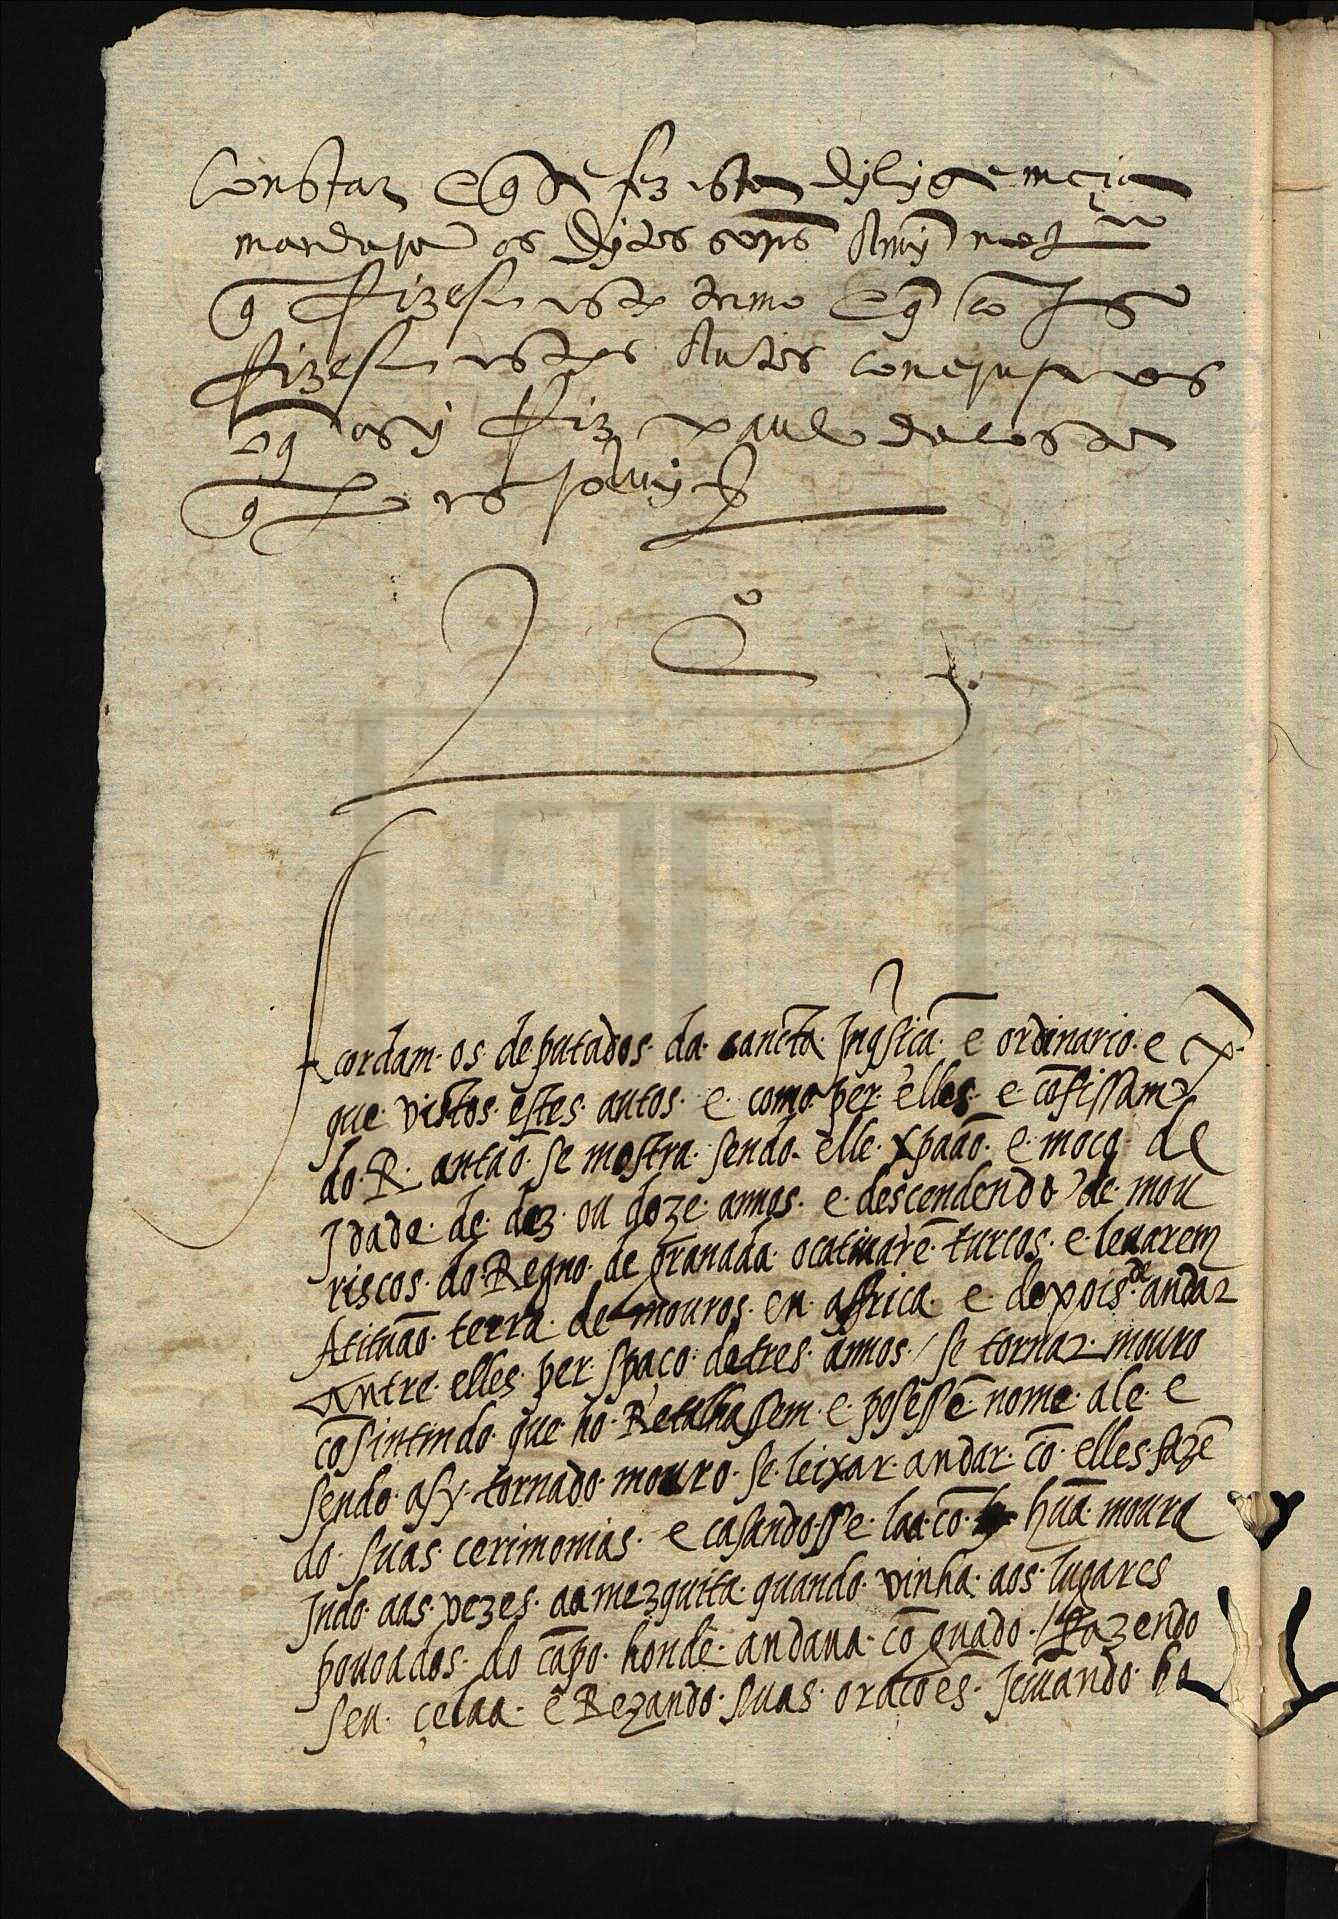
Constar e q̄ se fez esta dylygemcia
mandarā os dytos sōres A mȳ notro
q̄ fizese este termo e q̄ c̄o Jso
fizese estes Autos concrusos
o q̄ asy fiz paulo da costa
q̄ ho espruy
Acordam os deputados da sancta Jnqisiçā e ordinario e c̄ꝭ
que vistos estes autos e como per elles e cōfissam
do R antaõ se mostra sendo elle xpaão e moço de
Jdade de dez ou doze annos. e descendendo de mou
riscos do Regno de granada o catiuarē turcos e leuarem
A tituão terra de mouros en affrica e depois de andar
Antre elles per spaço de tres annos / se tornar mouro
cōsintindo que ho Retalhassem e posessē nome ale e
sendo asy tornado mouro se leixar andar c̄o elles fazē
do suas cerimonias e casando-sse laa cō hūa moura
Jndo aas vezes aa mezquita quando vinha aos lugares
pouoados do cāpo honde andaua cō guado / fazendo
seu celaa e Rezando suas oraçoẽs Jeiuando ho
